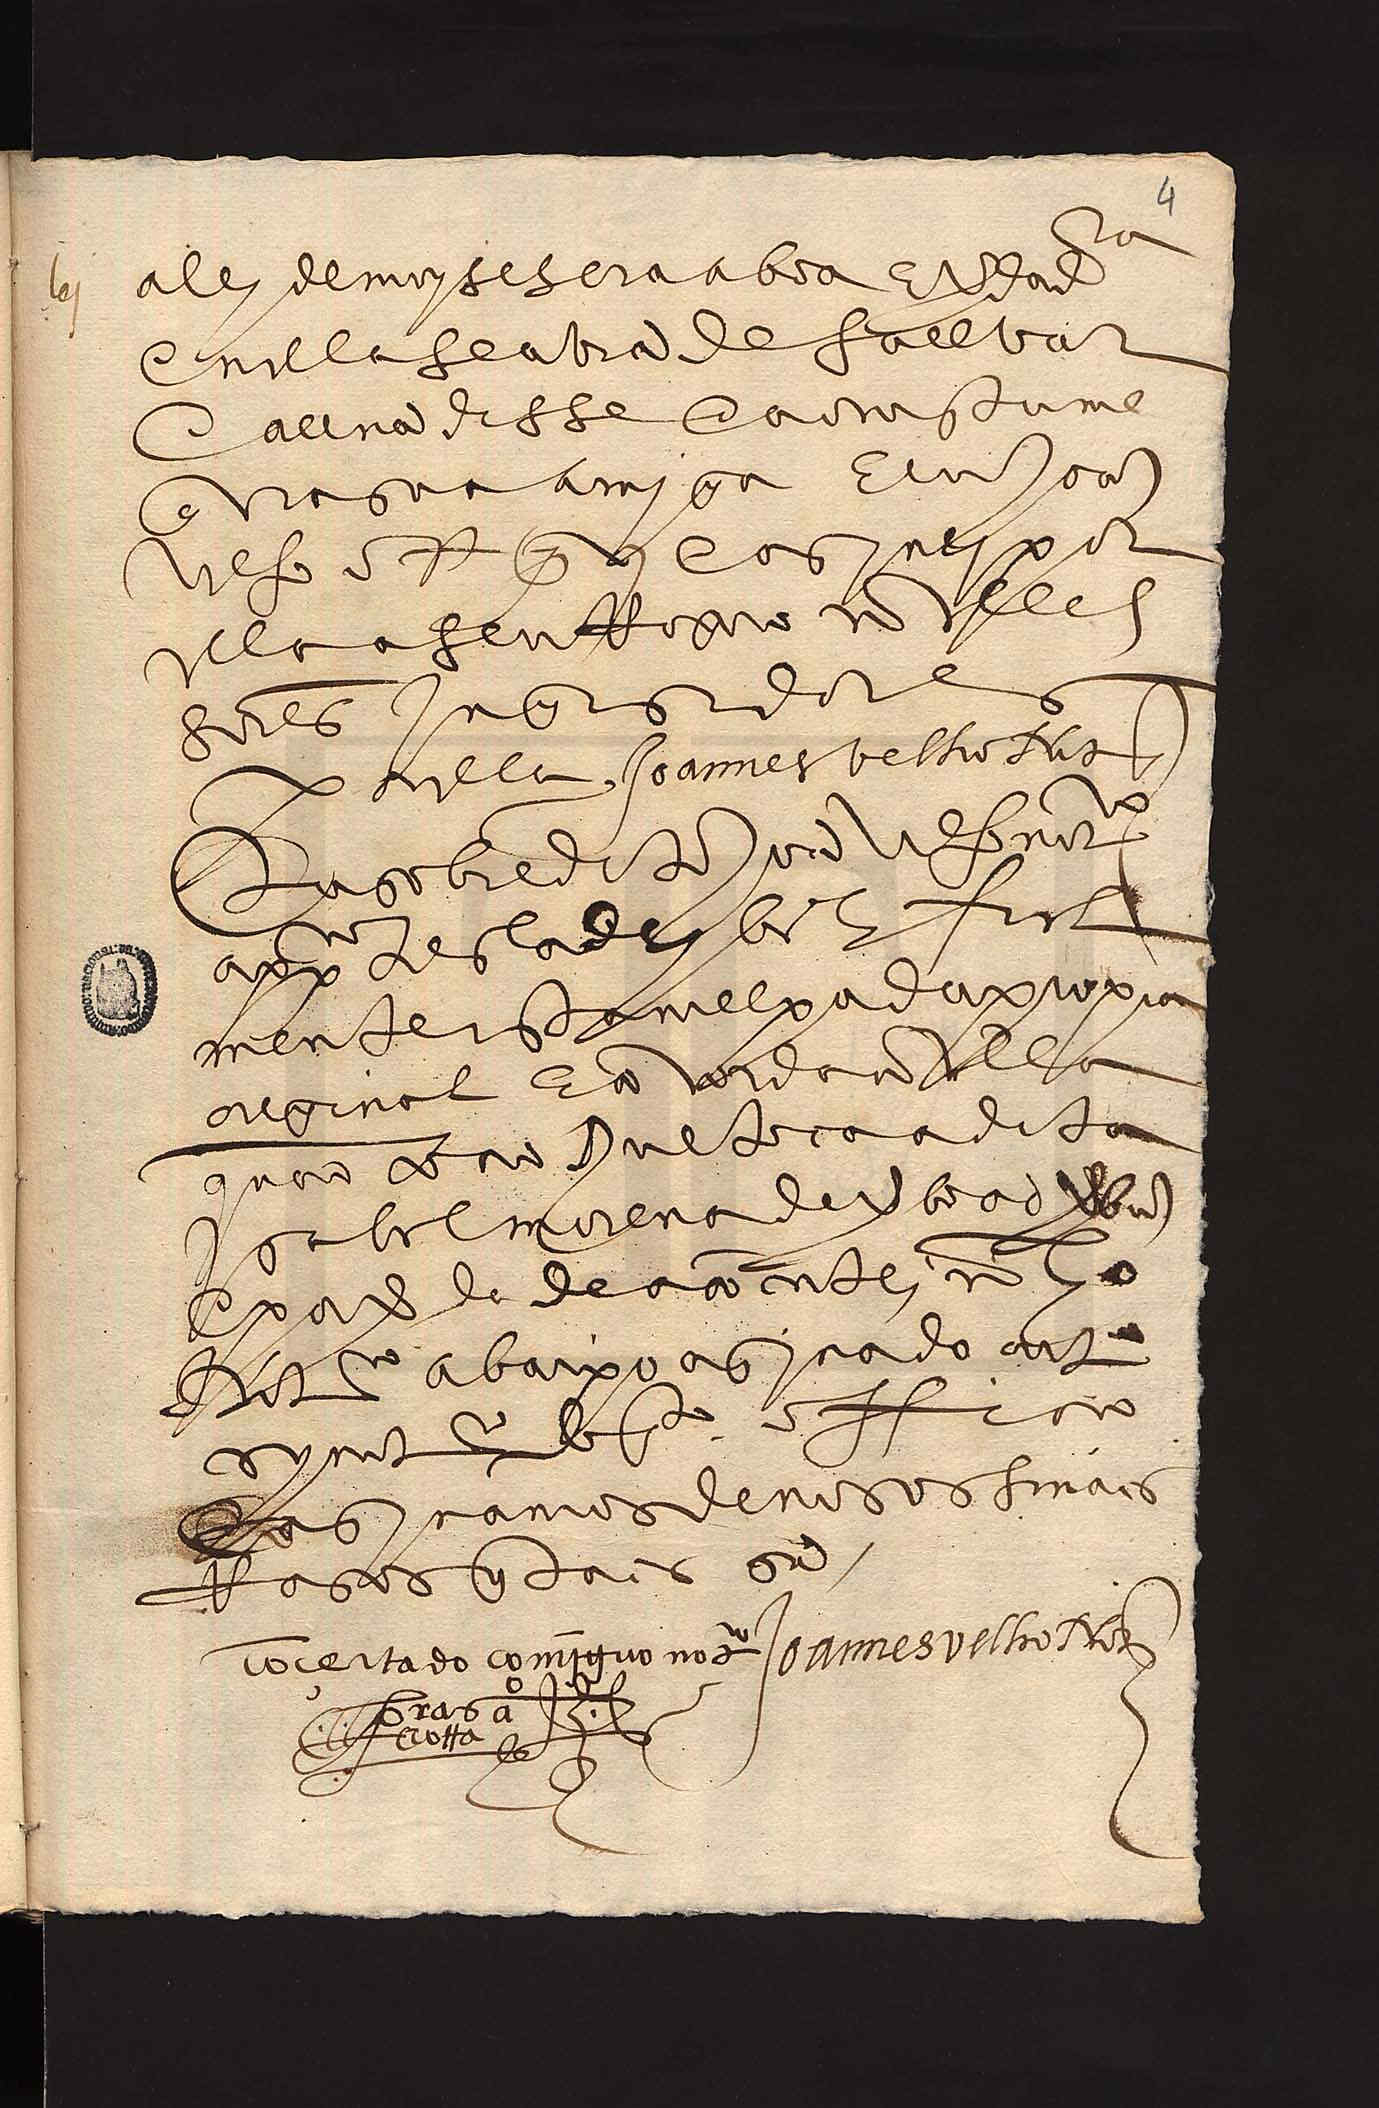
a lej de moyses era a boa E ꝟdadra
e nella se aviā de sallvar
e all nā disse e ao costume
q̄ era sua amjga E eu Joā
velho o stp̄vj e asjnej por
ella a seu Roguo cō elles
sor̄es Jnq̄isidores
por ella Joannes Velho Notr
Eu sobredito Joā velho notro
appco tresladej bē E fieL
mente esta cullpa da propia
original E cōcorda cō ella
quaōto ao que toca a dita
Jsabel morena de ꝟbo ad ꝟbū
e ꝑa ꝟdade a cōcertej cō ho
Notro abaixo asjnado outo
sy notro do sto. offiçio
E asjnamos de nosos sinaes
Rasos q̄ taes sā/
